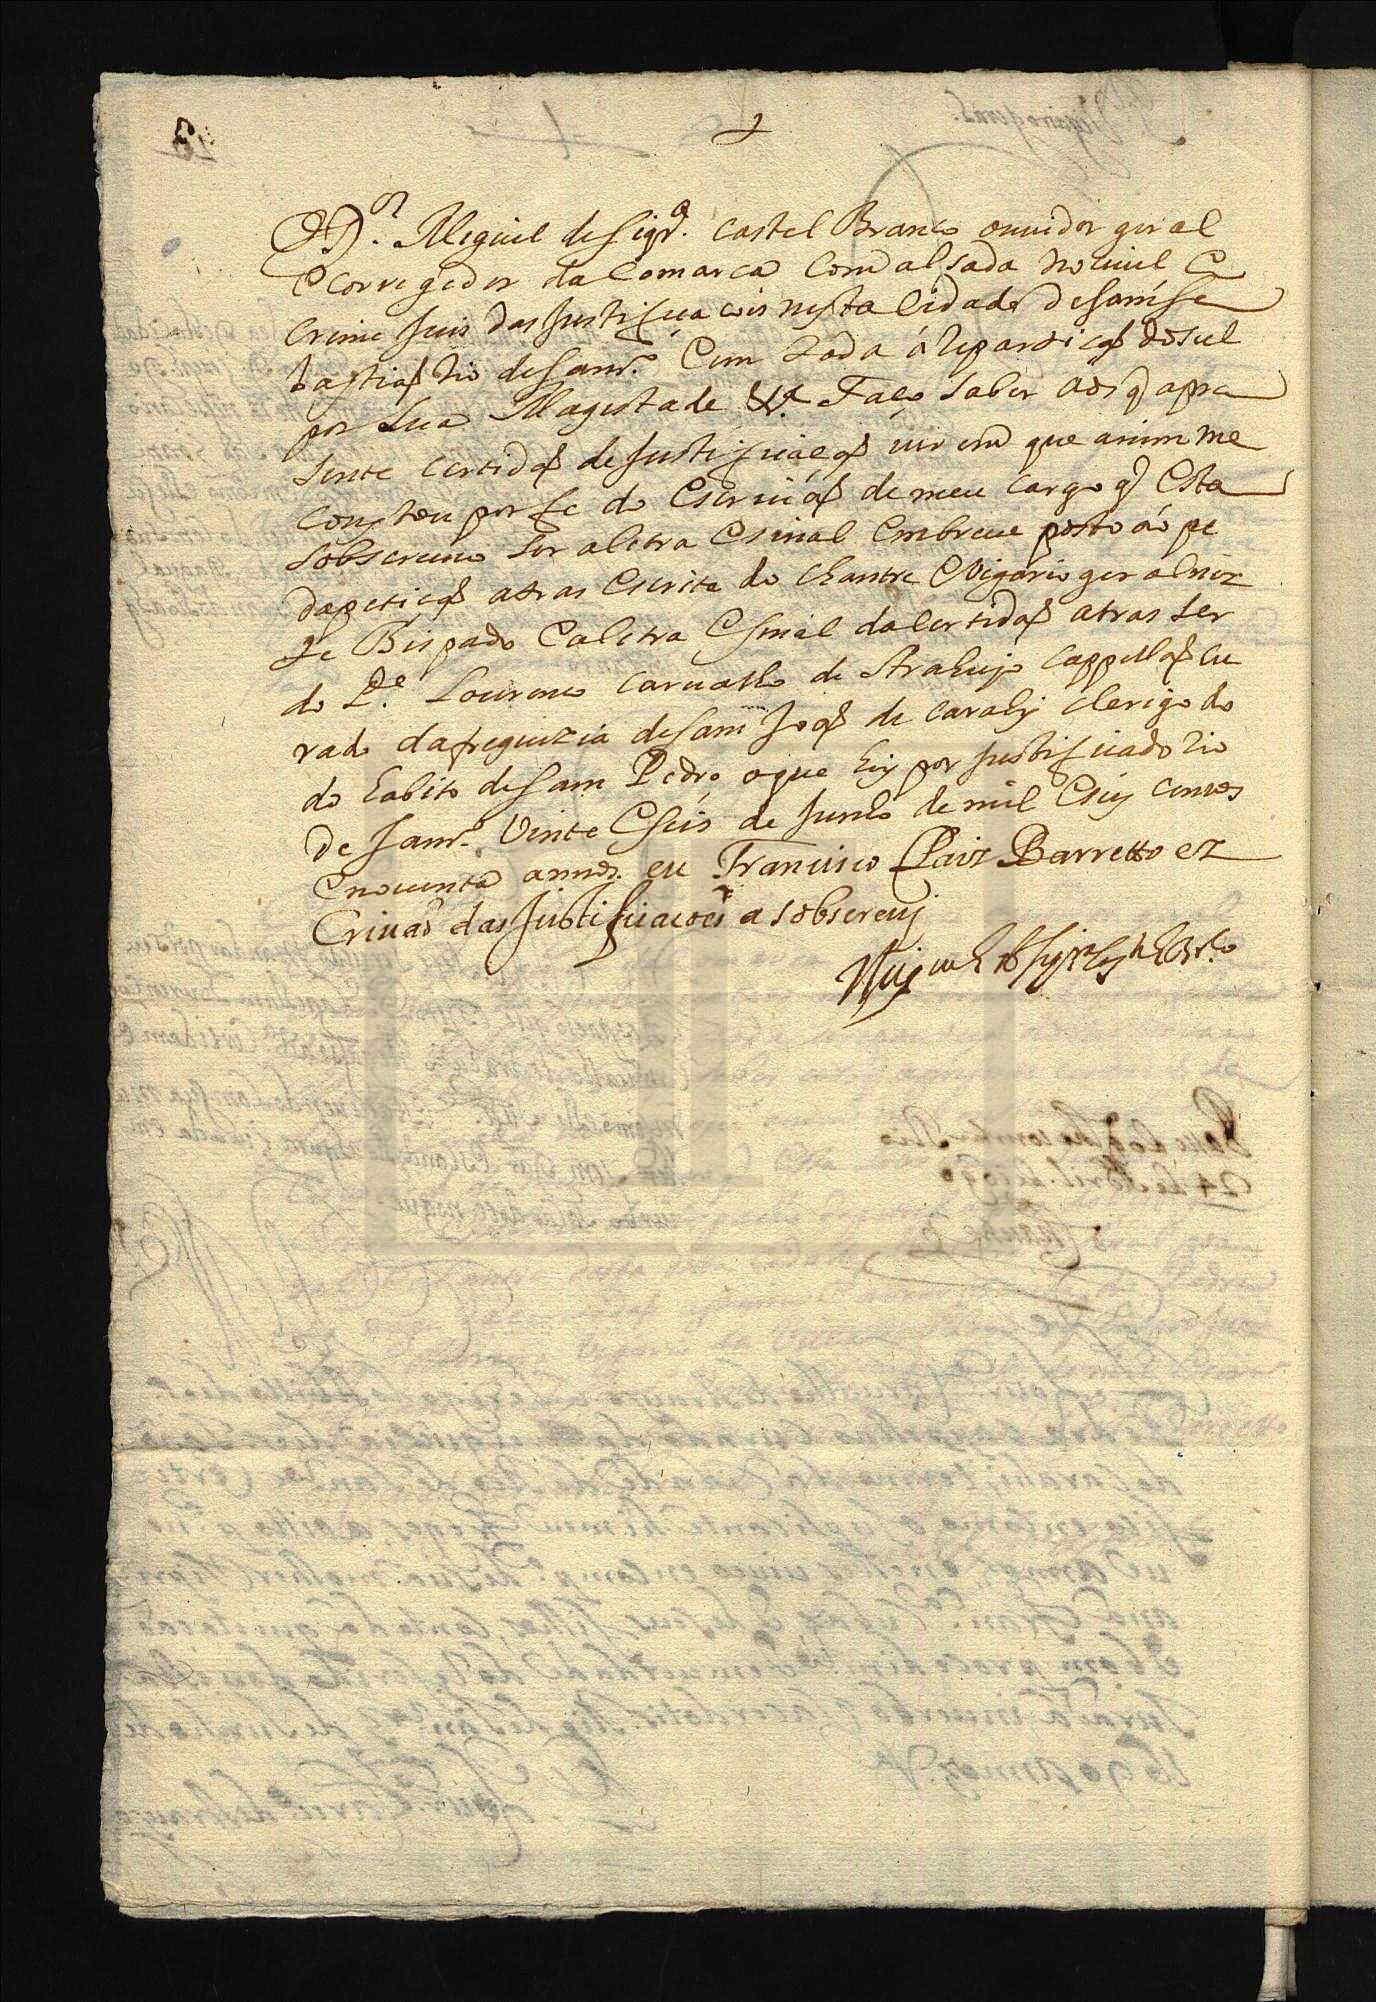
O D.or Miguel de Siqr.a castel Branco ouuidor geral
O corregedor da Comarca Com alsada no ciuel e
crime Juis das Justificaçois nesta cidade de sam se
bastiaõ Rio de Janr.o E em toda á Repartiçaõ do sul
por sua Magestade &.a Faço saber aos q̄ a pre
sente certidaõ de Justificaçaõ uirem que asim me
constou por fe do Escriuaõ de meu Cargo q̄ Esta
sobscreueo ser a letra e sinal em breue posto ao pe
da petiçaõ atras escrita do chantre e vigario geral nez
te Bispado e a letra e sinal da certidaõ atras ser
do P.e Lourenço carualho de Arahujo Cappellaõ cu
rado da freguezia de sam Joaõ de carahy clerigo do
do habito de sam Pedro o que hey por Justificado Rio
de Janr.o Vinte E seis de Junho de mil e seiscentos
e nouenta annos. eu Francisco Paiz Barretto ez
Criuaõ das Justificaçoẽs a sobscreuj
Miguel d̄ siq.ra Castel Br.co
